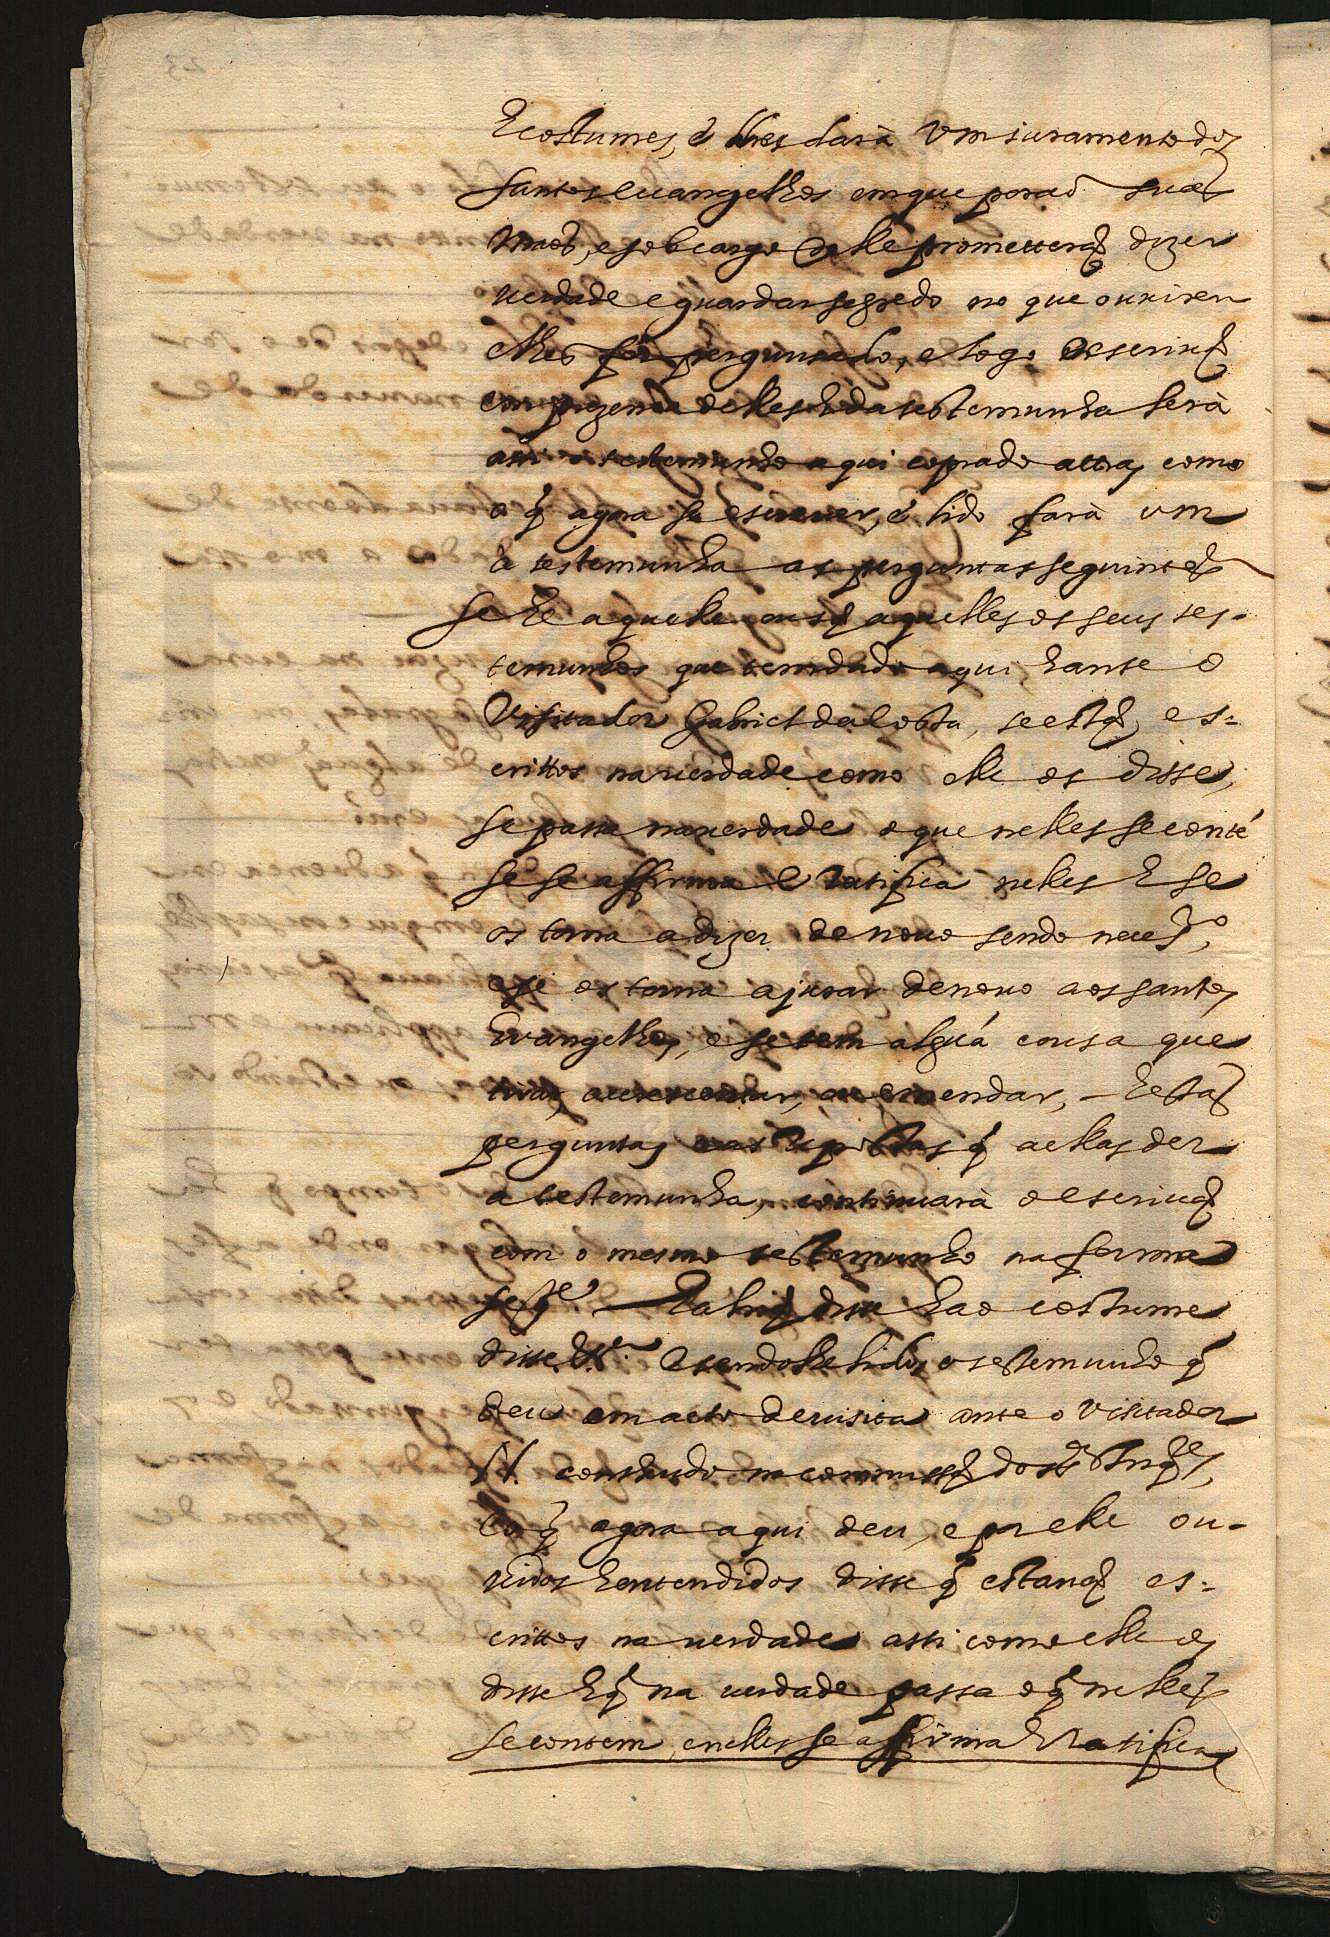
E costumes, e lhes darà Vm iuramento dos
santos euangelhos em que poraõ suas
maõs, e sob cargo delle prometteraõ dizer
uerdade e guardar segredo no que ouuiren
e lhes for perguntado, e logo o escriuaõ
em prezença delles E da testemunha lerà
assi o testemunho aqui copiado attras como
o q̄ agora se escreuer, e lido farà vm
à testemunha as perguntas seguintes
Se he aquelle ou são aquelles os seus tes
temunhos que tem dado aqui E ante o
Visitador Gabriel da Costa, se estaõ es
crittos na uerdade como elle os disse,
se passa na uerdade o que nelles se contē
se se affirma e ratifica nelles E se
os torna a dizer de nouo sendo necesro,
e se os torna a jurar de nouo aos santos
Euangelhos, e se tem alguā cousa que
tirar, acrescentar, ou emendar, – E estas
perguntas e as Repostas q̄ a ellas der
a testemunha, continuarà o escriuaõ
com o mesmo testemunho na forma
segte. E al não disse E ao costume
disse &.a e sendolhee lido o testemunho q̄
deu em acto de uisita ante o visitador
N. contheudo na comissaõ dos srs Inqres,
e o q̄ agora aqui deu, e por elle ou
uidos E entendidos disse q̄ estauaõ es
crittos na uerdade assi como elle os
disse E q̄ na uerdade passa o q̄ nelles
se contem, e nelles se affirma E Ratifica
